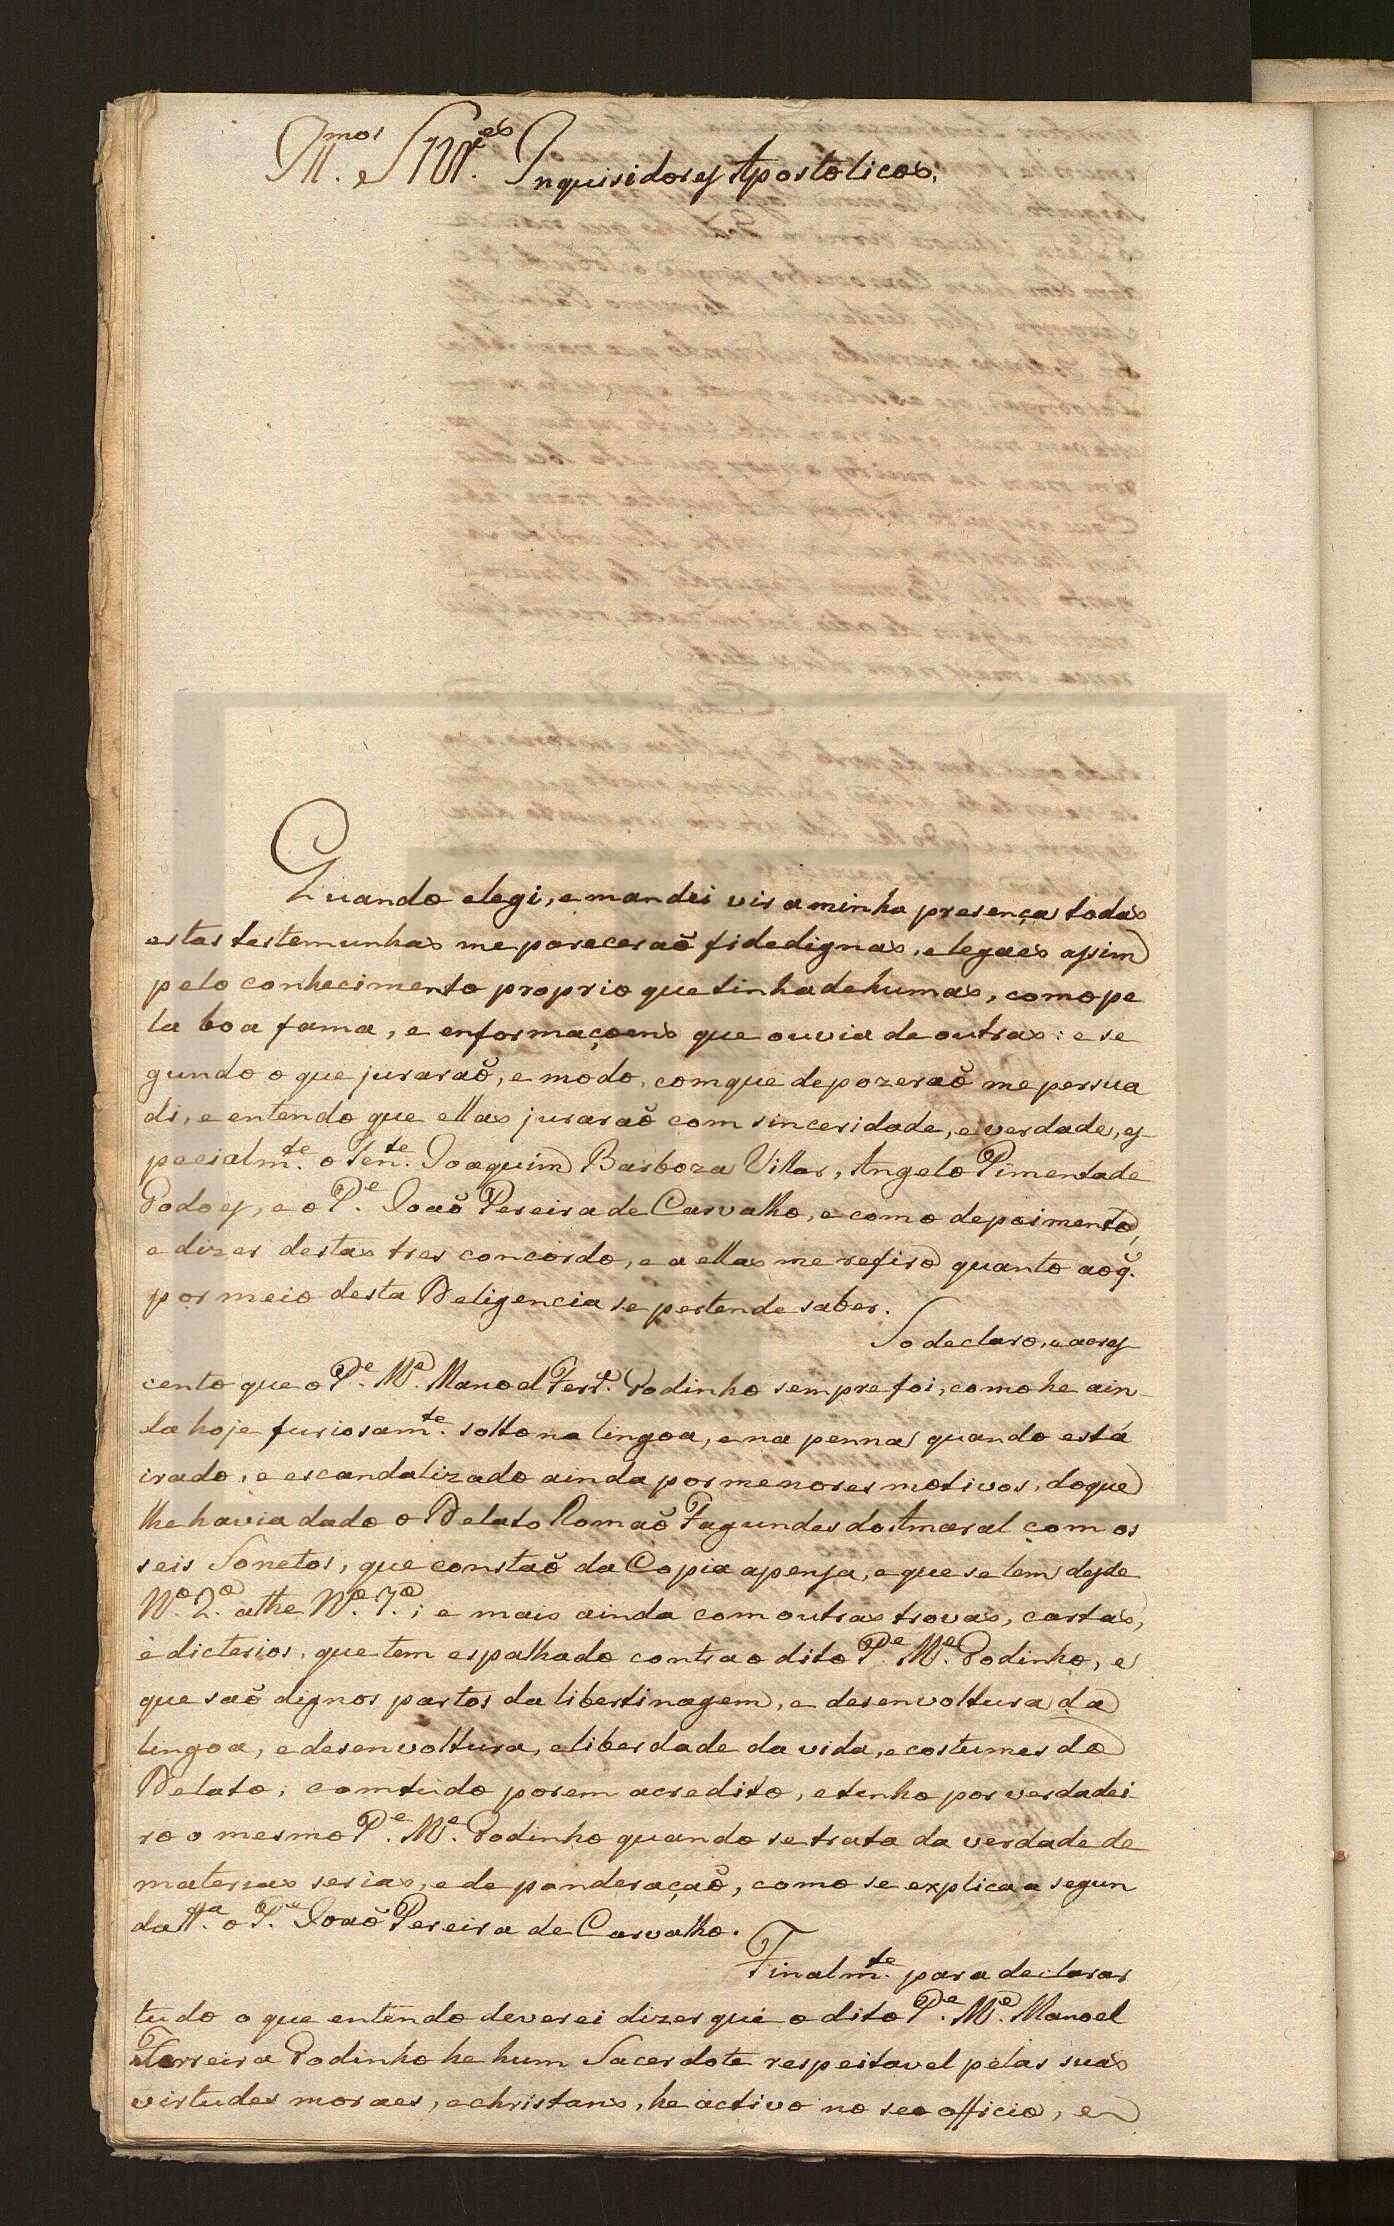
Illmos e Snr.es Inquizidores Apostolicos,
Quando elegi, e mandei vir a minha presença todas
estas testemunhas me pareceraõ fidedignas, e legaes assim
pelo conhecimento proprio que tinha de humas, como pe
la boa fama, e enformaçoens que ouvia de outras: e se
gundo o que juraraõ, e modo, com que depozeraõ me persua
di, e entendo que ellas juraraõ com sinceridade, e verdade, es
pecialm.te o Ten.te Ioaquim Barboza Villar, Angelo Pimenta de
Godoes, e o P.e Ioaõ Pereira de Carvalho, e com o depoimento
a dizer destas tres concordo, e a ellas me refiro quanto ao q̄
por meio desta Deligencia se pertende saber.
So declaro e acres
cento que o P.e M.e Manoel Ferr.a Godinho sempre foi, como he ain
da hoje furiosam.te solto na lingoa, e na penna quando está
irado, e escandalizado ainda por menores motivos, do que
lhe havia dado o Delato Romaõ Fagundes do Amaral com os
seis Sonetos, que constaõ da Copia apensa, e que se lem desde
N.o 2.o athe N.o 7.o; e mais ainda com outras trovas, cartas,
e dicterios, que tem espalhado contra o dito P. M.e Godinho, e
que saõ dignos partos da libertinagem, a desenvoltura da
lingoa, e desenvoltura, e liberdade da vida, e costumes do
Delato; comtudo porem acredito, e tenho por verdadei
ro o mesmo P.e M.e Godinho quando se trata da verdade de
materias serias, e de ponderaçaõ, como se explica a segun
da tt.a o P.e Ioaõ Pereira de Carvalho.
Finalm.te para declarar
tudo o que entendo deverei dizer que o dito P.e M.e Manoel
Ferreira Godinho he hum Sacerdote respeitavel pelas suas
virtudes moraes, e christans, he activo no seo officio, e
